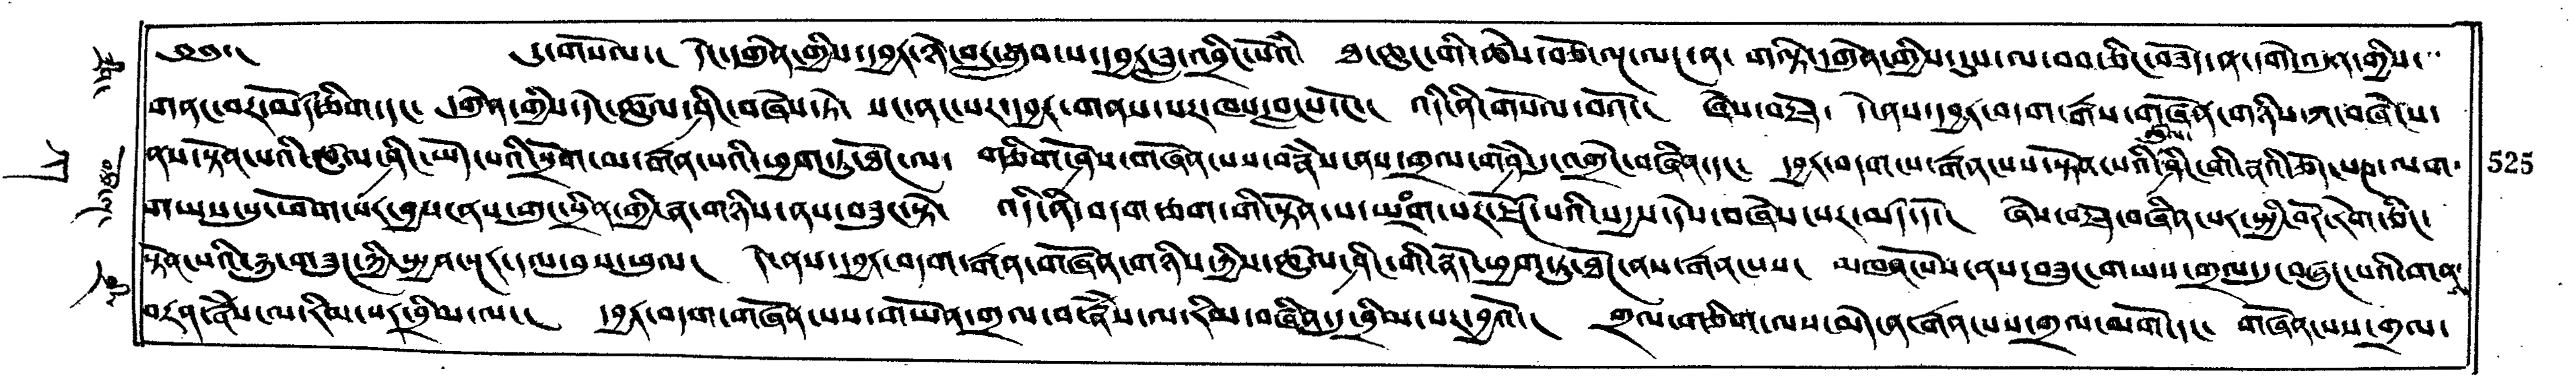དུ་གསོལ། དེང་དགེ་འདུན་གྱིས་དབྱར་ཉེ་བར་སྒྲུབ་པ་དབྱར་ཟླ་འབྲིང་པོའམ། ཐ་ཆུང་གི་ཚེས་བཅོ་ལྔ་ལགས་ན། གལ་ཏེ་དགེ་འདུན་གྱིས་དུས་ལ་བབ་ཅིང་བཟོད་ན་དགེ་འདུན་གྱིས་
གནང་བར་མཛོད་ཅིག་དང་། དགེ་འདུན་གྱིས་དེང་ཚུལ་ཤིང་བཞེས་ཏེ། སང་ནངས་པར་དབྱར་གནས་པར་ཁས་བླང་ངོ་།། འདི་ནི་གསོལ་བའོ།། ཞེས་བརྗོད། དེ་ནས་དབྱར་བདག་རྒན་གཞོན་གཉིས་ཀ་བཞེངས་
ནས་སྟོན་པའི་ཚུལ་ཤིང་ཡོད་པའི་སྲོག་མ་རྒན་པའི་ཕྱག་ཏུ་ཐོགས་ལ། གཅིག་ཤོས་གཞོན་པས་བསྣམས་ནས་གྲལ་གཤམ་དུ་འགྲེང་བཞིན་དང་། དབྱར་བདག་པ་རྒན་པས་སྟོན་པའི་ཚུལ་ཤིང་གི་སྣེའི་ཅོད་པན་ལག་
གཡས་སུ་ཕོག་པར་བྱས་ནས་གུང་སྲིན་གྱི་སྣེ་གཉིས་ནས་བཟུང་སྟེ། འདི་ནི་བདག་ཅག་གི་སྟོན་པ་ཡང་དག་པར་རྫོགས་པའི་སངས་རྒྱས་དེས་བཞེས་པར་མཛད་དོ།། ཞེས་བརྗོད་བཞིན་པར་སྤྱི་བོར་རེག་ཅིང་
སྟོན་པའི་སྐུ་གཟུགས་ཀྱི་སྤྱན་སྔར་དལ་བུས་ཕུལ། དེ་ནས་དབྱར་བདག་རྒན་གཞོན་གཉིས་ཀྱིས་ཚུལ་ཤིང་གི་སྣོད་ཕྱག་ཏུ་ཐོགས་ནས་རྒན་པས། མཁན་པོས་ནས་བཟུང་གཡས་གྲལ་དུ་བཞུགས་པའི་གནས་
བརྟན་རྣམས་ལ་རིམ་པར་བྲིམ་ལ། དབྱར་བདག་གཞོན་པས་གཡོན་གྲལ་བ་རྣམས་ལ་རིམ་བཞིན་དུ་བྲིམ་པར་བྱའོ།། གྲལ་གཅིག་ལས་མེད་ན་རྒན་པས་གྲལ་འགོ་དང་། གཞོན་པས་གྲལ་